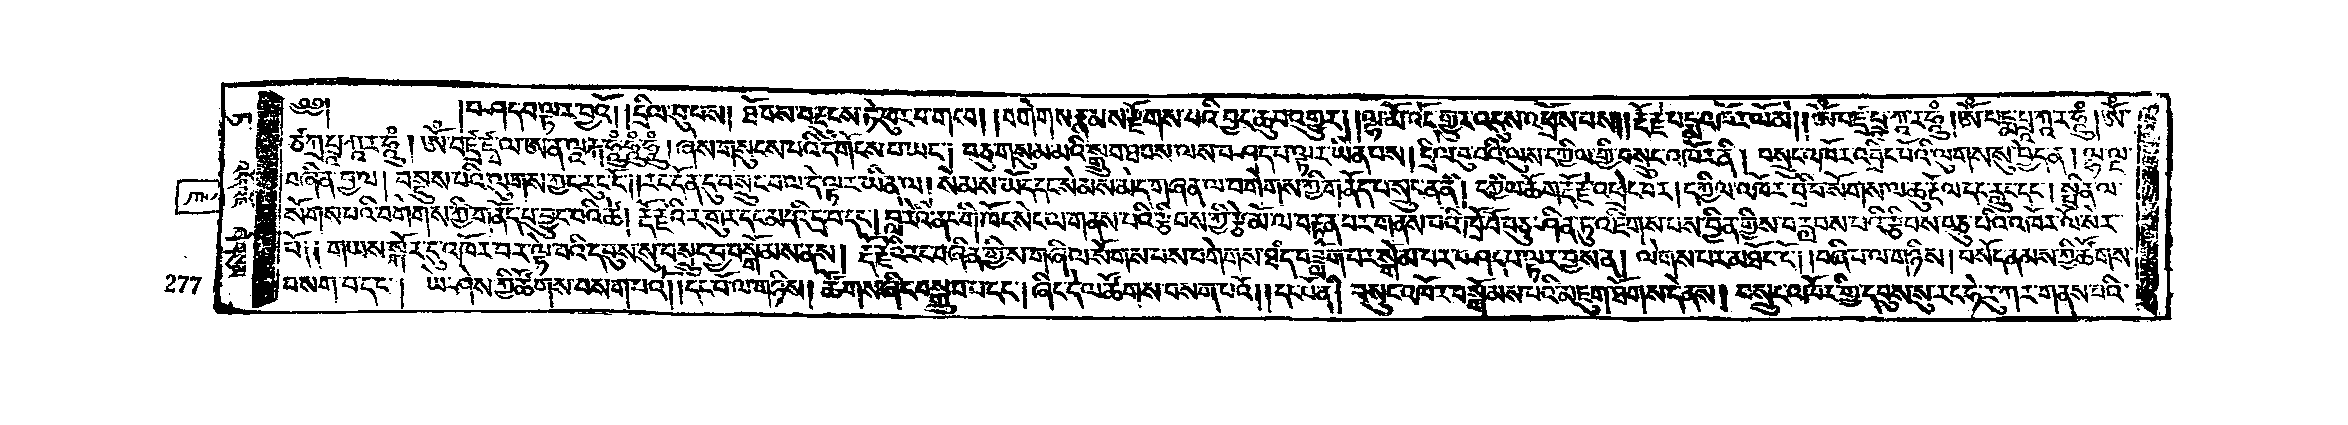༄༅། །བཤད་པ་ལྟར་བྱའོ། །དྲིལ་བུ་པས། ཐོ་བས་བརྡུངས་ཏེ་ཕུར་པ་གདབ། །བགེགས་རྣམས་རྫོགས་པའི་བྱང་ཆུབ་འགྱུར། །ལྷ་མོ་འོད་གྱུར་འདུས་འཕྲོས་པས། །རྡོ་རྗེ་པདམ་འཁོར་ལོ་མེ། །ཨོཾ་བཛྲ་པྲཱ་ཀཱ་ར་ཧཱུཾ། ཨོཾ་པདམ་པྲཱ་ཀཱ་ར་ཧཱུཾ་ཨོཾ་
ཙཀྲ་པྲཱ་ཀཱ་ར་ཧཱུཾ། ཨོཾ་བཛྲ་ཛྭ་ལ་ཨ་ན་ལཱརྐ་ཧཱུཾ་ཧཱུཾ་ཧཱུཾ། ཞེས་གསུངས་པའི་དགོངས་པ་ཡང་། བཅུ་གསུམ་མའི་སྒྲུབ་ཐབས་ལས་བཤད་པ་ལྟར་ཡིན་པས། དྲིལ་བུ་པའི་ལུས་དཀྱིལ་གྱི་བསྲུང་འཁོར་ནི། བསྲུང་འཁོར་འབྲིང་པོའི་ལུགས་སུ་བྱེད་ན། ལྷ་ལྔ་
བཞིན་བྱ་ལ། བསྡུས་པའི་ལུགས་ཀྱང་རུང་ངོ། །རང་དོན་དུ་བསྲུང་བ་ལ་དེ་ལྟར་ཡིན་ལ། སེམས་ཡོད་དང་སེམས་མེད་གཞན་ལ་བགེགས་ཀྱི་གནོད་པ་སྲུང་ན་ནི། དཀྱིལ་ཆོག་རྡོ་རྗེ་འཕྲེང་བར། དཀྱིལ་འཁོར་བྲི་བ་སོགས་ལ་ཆུ་རྡོལ་དང་རླུང་དང་། སྤྲིན་ལ་
སོགས་པའི་བགེགས་ཀྱི་གནོད་པ་བྱུང་བའི་ཚེ། རྡོ་རྗེའི་ར་གུར་དང་མདའི་དྲ་བ་དང་། བླ་རེའི་ནང་གི་ཁོང་སེང་ལ་གནས་པའི་རྩིབས་ཀྱི་རྩེ་མོ་ལ་བརྟན་པར་གནས་པའི་ཁྲོ་བོ་བཅུ་ཤིན་ཏུ་འཇིགས་པས་བྱིན་གྱིས་བརླབས་པའི་རྩིབས་བཅུ་པའི་འཁོར་ལོ་སེར་
པོ། །གཡས་སྐོར་དུ་འཁོར་བར་ལྟེ་བའི་དབུས་སུ་བསྲུང་བྱ་བསྒོམས་ནས། རྡོ་རྗེའི་རང་བཞིན་གྱི་ས་གཞི་ལ་སོགས་པས་བགེགས་ཐམས་ཅད་བཟློག་པར་སྒོམ་པར་བཤད་པ་ལྟར་བྱས་ན། ལེགས་པར་མཐོང་ངོ། །བཞི་པ་ལ་གཉིས། བསོད་ནམས་ཀྱི་ཚོགས་
བསག་པ་དང་། ཡེ་ཤེས་ཀྱི་ཚོགས་བསག་པའོ། །དང་པོ་ལ་གཉིས། ཚོགས་ཞིང་བསྒྲུབ་པ་དང་། ཞིང་དེ་ལ་ཚོགས་བསག་པའོ། །དང་པོ་ནི། བསྲུང་འཁོར་བསྒོམས་པའི་མཇུག་ཐོགས་དེ་ནས། བསྲུང་འཁོར་གྱི་དབུས་སུ་རང་ཧེ་རུ་ཀར་གནས་པའི་